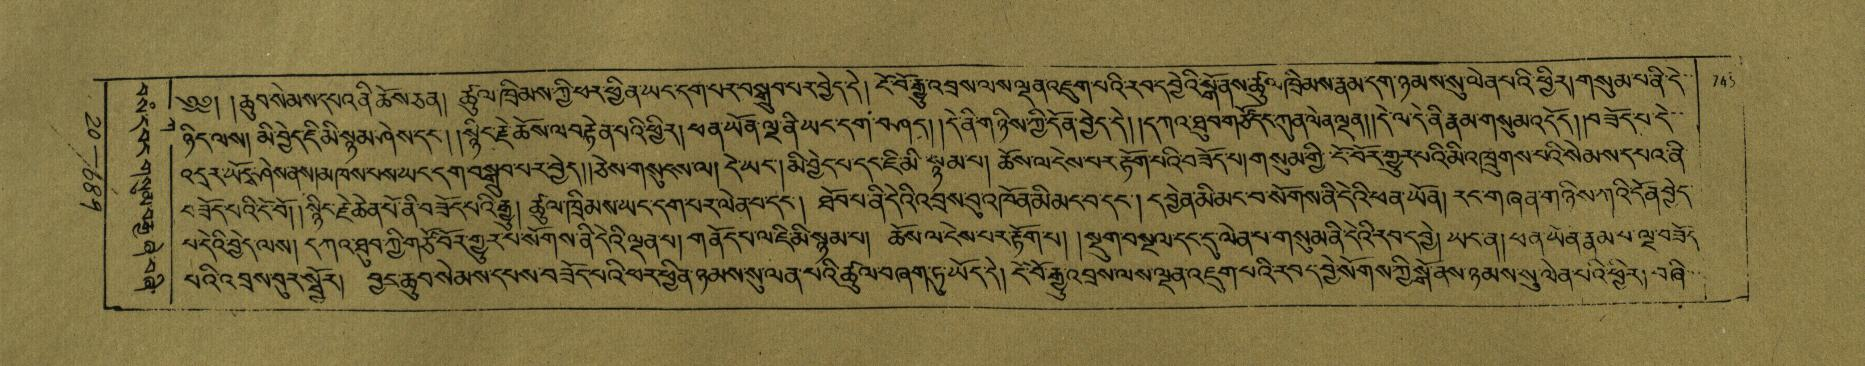༄༅། །ཆུབ་སེམས་དཔའ་ནི་ཆོས་ཅན། ཚུལ་ཁྲིམས་ཀྱི་ཕར་ཕྱིན་ཡང་དག་པར་བསྒྲུབ་པར་བྱེད་དེ། ངོ་བོ་རྒྱུ་འབྲས་ལས་ལྡན་འཇུག་པའི་རབ་དབྱེའི་སྒོ་ནས་ཚུལ་ཁྲིམས་རྣམ་དག་ཉམས་སུ་ལེན་པའི་ཕྱིར། གསུམ་པ་ནི་དེ་
ཉིད་ལས། མི་བྱེད་ཇི་མི་སྙམ་ཤེས་དང་། །སྙིང་རྗེ་ཆོས་ལ་བརྟེན་པའི་ཕྱིར། ཕན་ཡོན་ལྔ་ནི་ཡང་དག་བཤད། །དེ་ནི་གཉིས་ཀྱི་དོན་བྱེད་དེ། །དཀའ་ཐུབ་གཙོ་དང་ཀུན་ལེན་ལྡན། །དེ་ལ་དེ་ནི་རྣམ་གསུམ་འདོད། །བཟོད་པ་དེ་
འདྲར་ཡོངས་ཤེས་ནས། མཁས་པས་ཡང་དག་བསྒྲུབ་པར་བྱེད། །ཅེས་གསུངས་ལ། དེ་ཡང་། མི་བྱེད་པ་དང་ཇི་མི་སྙམ་པ། ཆོས་ལ་ངེས་པར་རྟོག་པའི་བཟོད་པ། གསུམ་གྱི་ངོ་བོར་གྱུར་པའི་མི་འཁྲུགས་པའི་སེམས་དཔའ་ནི་
བཟོད་པའི་ངོ་བོ། །སྙིང་རྗེ་ཆེན་པོ་ནི་བཟོད་པའི་རྒྱུ། ཚུལ་ཁྲིམས་ཡང་དག་པར་ལེན་པ་དང་། ཐོབ་པ་ནི་དེའི་འབྲས་བུ་འཁོན་མི་མང་བ་དང་། དབྱེན་མི་མང་བ་སོགས་ནི་དེའི་ཕན་ཡོན། རང་གཞན་གཉིས་ཀའི་དོན་བྱེད་
པ་དེའི་བྱེད་ལས། དཀའ་ཐུབ་ཀྱི་གཙོ་བོར་གྱུར་པ་སོགས་ནི་དེའི་ལྡན་པ། གནོད་པ་ལ་ཇི་མི་སྙམ་པ། ཆོས་ལ་ངེས་པར་རྟོག་པ། །སྡུག་བསྔལ་དང་དུ་ལེན་པ་གསུམ་ནི་དེའི་རབ་དབྱེ། ཡང་ན། ཕན་ཡོན་རྣམ་པ་ལྔ་བཟོད་
པའི་འབྲས་བུར་སྦྱོར། བྱང་ཆུབ་སེམས་དཔས་བཟོད་པའི་ཕར་ཕྱིན་ཉམས་སུ་ལེན་པའི་ཚུལ་བཞག་ཏུ་ཡོད་དེ། ངོ་བོ་རྒྱུ་འབྲས་ལས་ལྡན་འཇུག་པའི་རབ་དབྱེ་སོགས་ཀྱི་སྒོ་ནས་ཉམས་སུ་ལེན་པའི་ཕྱིར། བཞི་